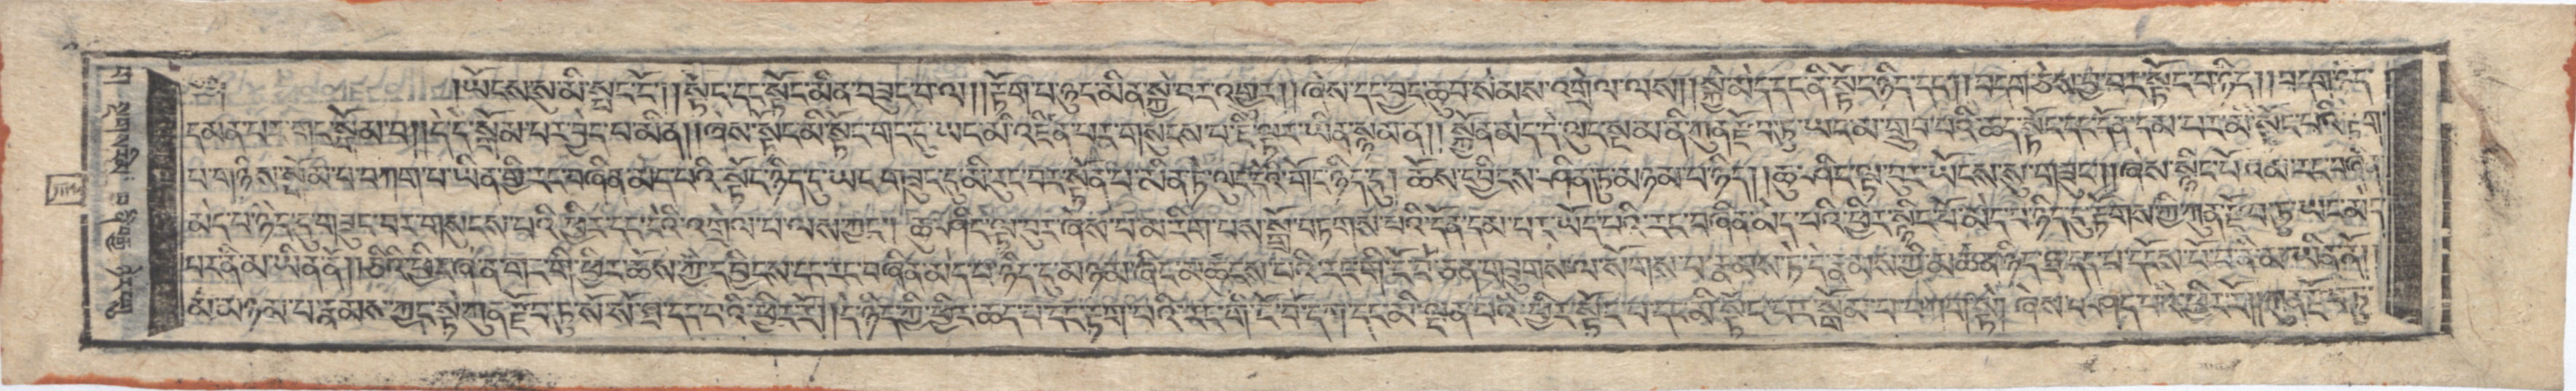༄༅། །ཡོངས་སུ་མི་སྤང་ངོ། །སྟོང་དང་སྟོང་མིན་བཟུང་བ་ལ། །རྟོག་པ་ཉུང་མིན་སྐྱེ་བར་འགྱུར། །ཞེས་དང་བྱང་ཆུབ་སེམས་འགྲེལ་ལས། །སྐྱེ་མེད་དང་ནི་སྟོང་ཉིད་དང་། །བདག་ཅེས་བྱ་བར་སྟོང་པ་ཉིད། །བདག་ཉིད་
དམན་པར་གང་སྒོམ་བ། །དེ་དེ་སྒོམ་པར་བྱེད་པ་མིན། །ཞེས་སྟོང་མི་སྟོང་གང་དུ་ཡང་མི་འཛིན་པར་གསུངས་པ་ཇི་ལྟར་ཡིན་སྙམ་ན། །སྐྱོན་མེད་དེ་ལུང་སྔ་མ་ནི་ཀུན་རྫོབ་ཏུ་ཡང་མ་གྲུབ་པའི་ཆད་སྟོང་དང་དོན་དམ་པར་མི་སྟོང་པའི་རྟག་
པ་གཉིས་སྒོམ་པ་བཀག་པ་ཡིན་གྱི་རང་བཞིན་མེད་པའི་སྟོང་ཉིད་དུ་ཡང་གཟུང་དུ་མི་རུང་བར་སྟོན་པ་མིན་ཏེ་ལུང་དེའི་གོང་ཉིད་དུ། ཆོས་དབྱིངས་ཤིན་ཏུ་མཉམ་པ་ཉིད། །ཆུ་ཤིང་ལྟ་བུར་ཡོངས་སུ་གཟུང་། །ཞེས་སྙིང་པོ་འམ་རང་བཞིན་
མེད་པ་ཉིད་དུ་གཟུང་བར་གསུངས་པའི་ཕྱིར་དང་དེའི་འགྲེལ་པ་ལས་ཀྱང་། ཆུ་ཤིང་ལྟ་བུར་ཞེས་པ་མ་རིག་པས་སྒྲོ་བཏགས་པའི་དོན་དམ་པར་ཡོད་པའི་རང་བཞིན་མེད་པའི་ཕྱིར་སྙིང་པོ་མེད་པ་ཉིད་དུ་རྟོགས་ཀྱི་ཀུན་རྫོབ་ཏུ་ཡང་མེད་
པར་ནི་མ་ཡིན་ནོ། །ཅིའི་ཕྱིར་ཞེ་ན་གང་གི་ཕྱིར་ཆོས་ཀྱི་དབྱིངས་དང་རང་བཞིན་མེད་པ་ཉིད་དུ་མཉམ་ཞིང་མཚུངས་པའི་རང་གི་ངོ་བོ་ཅན་གཟུགས་ལ་སོགས་པ་རྣམས་ཏེ་དེ་རྣམས་ཀྱི་མཚན་ཉིད་ཐ་དད་པ་དངོས་པོ་བ་ནི་མ་ཡིན་ནོ།།
མི་མཉམ་པ་རྣམས་ཀྱང་སྟེ་ཀུན་རྫོབ་ཏུ་སོ་སོ་ཐ་དད་པའི་ཕྱིར་རོ། །དེ་ཉིད་ཀྱི་ཕྱིར་ཆད་པ་དང་རྟག་པའི་རང་གི་ངོ་བོ་དག་དང་མི་ལྡན་པའི་ཕྱིར་སྟོང་པ་དང་མི་སྟོང་པར་སྒོམ་པ་བཀག་སྟེ། ཞེས་བཤད་པའི་ཕྱིར་རོ། །ཀུན་རྫོབ་ཏུ་